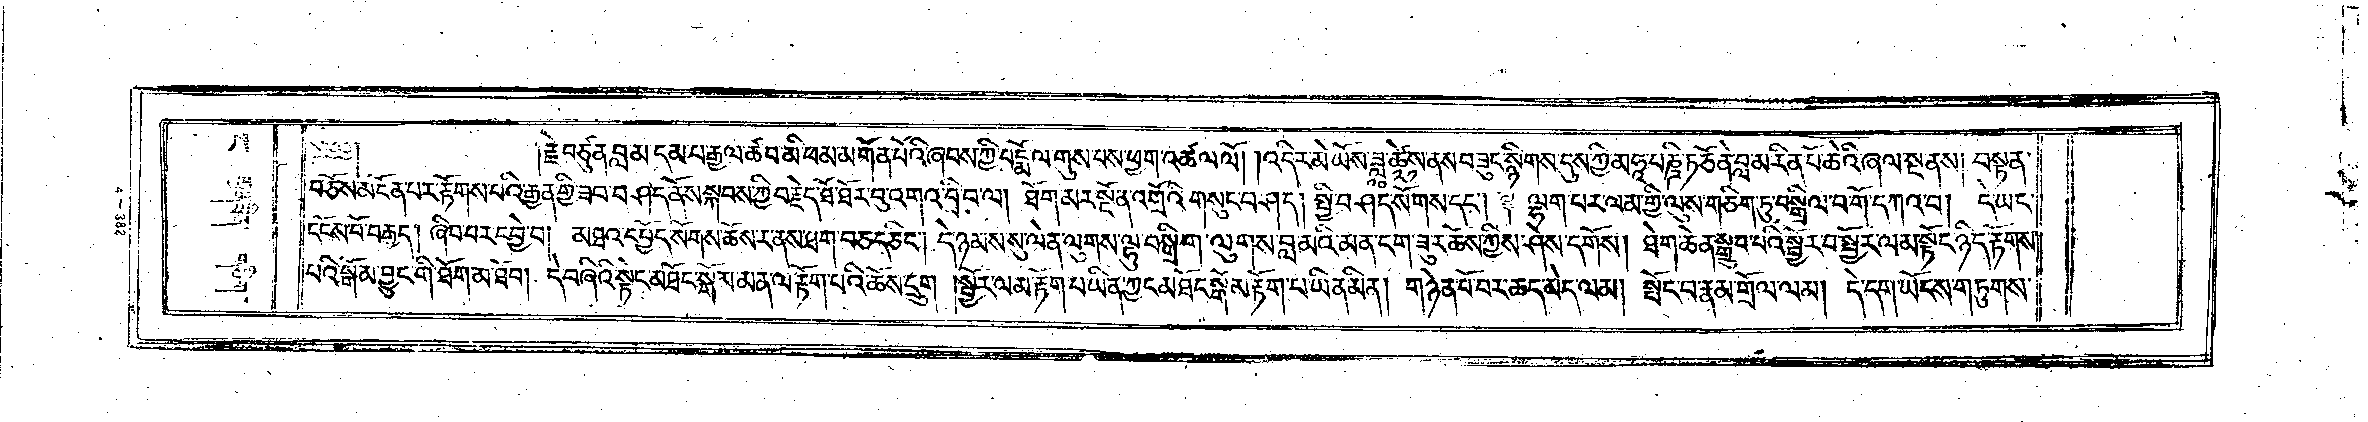༄༅༅། །རྗེ་བཙུན་བླ་མ་དམ་པ་རྒྱལ་ཚབ་མི་ཕམ་མགོན་པོའི་ཞབས་ཀྱི་པདམོ་ལ་གུས་པས་ཕྱག་འཚལ་ལོ། །འདིར་མེ་ཡོས་ཟླ༡༠་ཚེས༢༡་ནས་བཟུང་སྙིགས་དུས་ཀྱི་མཧཱ་པཎྜི་ཏ་ཅོ་ནེ་བླ་མ་རིན་པོ་ཆེའི་ཞལ་སྔ་ནས། བསྟན་
བཅོས་མངོན་པར་རྟོགས་པའི་རྒྱན་གྱི་ཟབ་བཤད་ནོས་སྐབས་ཀྱི་བརྗེད་ཐོ་ཐོར་བུ་འགའ་བྲི་བ་ལ། ཐོག་མར་སྔོན་འགྲོའི་གསུང་བཤད། སྤྱི་བཤད་སོགས་དང་། ༈ ལྷག་པར་ལམ་གྱི་ལུས་གཅིག་ཏུ་བསྒྲིལ་བ་གོ་དཀའ་བ། དེ་ཡང་
དངོས་པོ་བརྒྱད། ཞིབ་པར་དབྱེ་བ། མཐའ་དཔྱོད་སོགས་ཆོས་ར་ནས་ཐག་བཅད་ཅིང་། དེ་ཉམས་སུ་ལེན་ལུགས་ལྷུ་བསྒྲིག་ལུགས་བླ་མའི་མན་ངག་ཟུར་ཆོས་ཀྱིས་ཤེས་དགོས། ཐེག་ཆེན་སྒྲུབ་པའི་སྦྱོར་བ་སྦྱོར་ལམ་སྟོང་ཉིད་རྟོགས་
པའི་སྒོམ་བྱུང་གི་ཐོག་མ་ཐོབ། དེ་བཞིའི་སྟེང་མཐོང་སྒོམ་མན་ལ་རྟོག་པའི་ཆོས་དྲུག །སྦྱོར་ལམ་རྟོག་པ་ཡིན་ཀྱང་མཐོང་སྒོམ་རྟོག་པ་ཡིན་མིན། གཉེན་པོ་བར་ཆད་མེད་ལམ། སྤོང་བ་རྣམ་གྲོལ་ལམ། དེ་དག་ཡོངས་གཏུགས་